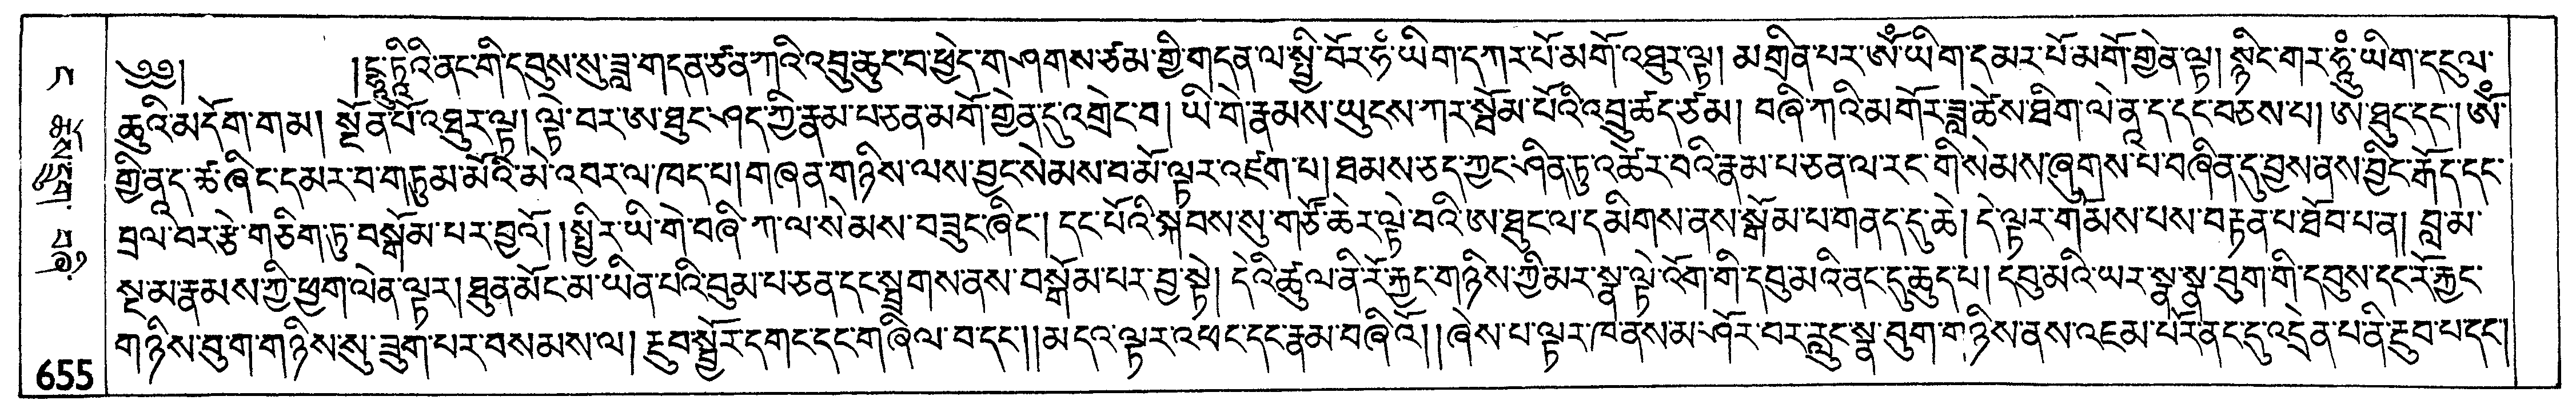༄༅། །དྷཱུ་ཏཱིའི་ནང་གི་དབུས་སུ་ཟླ་གདན་ཙ་ན་ཀའི་འབྲུ་ཆུང་བ་ཕྱེད་གཤགས་ཙམ་གྱི་གདན་ལ་སྤྱི་བོར་ཧཾ་ཡིག་དཀར་པོ་མགོ་འཐུར་ལྟ། མགྲིན་པར་ཨོཾ་ཡིག་དམར་པོ་མགོ་གྱེན་ལྟ། སྙིང་གར་ཧཱུཾ་ཡིག་དངུལ་
ཆུའི་མདོག་གམ། སྔོན་པོ་འཐུར་ལྟ། ལྟེ་བར་ཨ་ཐུང་ཤད་ཀྱི་རྣམ་པ་ཅན་མགོ་གྱེན་དུ་འགྲེང་བ། ཡི་གེ་རྣམས་ཡུངས་ཀར་སྦོམ་པོའི་འབྲུ་ཚད་ཙམ། བཞི་ཀའི་མགོར་ཟླ་ཚེས་ཐིག་ལེ་ནཱ་ད་དང་བཅས་པ། ཨ་ཐུང་དང་། ཨོཾ་
གྱི་ནཱ་ད་ཚ་ཞིང་དམར་བ་གཏུམ་མོའི་མེ་འབར་ལ་ཁད་པ། གཞན་གཉིས་ལས་བྱང་སེམས་བ་མོ་ལྟར་འཛག་པ། ཐམས་ཅད་ཀྱང་ཤིན་ཏུ་འཚེར་བའི་རྣམ་པ་ཅན་ལ་རང་གི་སེམས་ཞུགས་པ་བཞིན་དུ་བྱས་ནས་བྱིང་རྒོད་དང་
བྲལ་བར་རྩེ་གཅིག་ཏུ་བསྒོམ་པར་བྱའོ། །སྤྱིར་ཡི་གེ་བཞི་ཀ་ལ་སེམས་བཟུང་ཞིང་། དང་པོའི་སྐབས་སུ་གཙོ་ཆེར་ལྟེ་བའི་ཨ་ཐུང་ལ་དམིགས་ནས་སྒོམ་པ་གནད་དུ་ཆེ། དེ་ལྟར་གོམས་པས་བརྟན་པ་ཐོབ་པ་ན། བླ་མ་
སྔ་མ་རྣམས་ཀྱི་ཕྱག་ལེན་ལྟར། ཐུན་མོང་མ་ཡིན་པའི་བུམ་པ་ཅན་དང་སྦྲགས་ནས་བསྒོམ་པར་བྱ་སྟེ། དེའི་ཚུལ་ནི་རོ་རྐྱང་གཉིས་ཀྱི་མར་སྣ་ལྟེ་འོག་གི་དབུ་མའི་ནང་དུ་ཆུད་པ། དབུ་མའི་ཡར་སྣ་སྣ་བུག་གི་དབུས་དང་རོ་རྐྱང་
གཉིས་བུ་ག་གཉིས་སུ་ཟུག་པར་བསམས་ལ། རྔུབ་སྦྱོར་དགང་དང་གཞིལ་བ་དང་། །མདའ་ལྟར་འཕང་དང་རྣམ་བཞིའོ། །ཞེས་པ་ལྟར་ཁ་ནས་མ་ཤོར་བར་རླུང་སྣ་བུག་གཉིས་ནས་འཇམ་པོར་ནང་དུ་འདྲེན་པ་ནི་རྔུབ་པ་དང་།